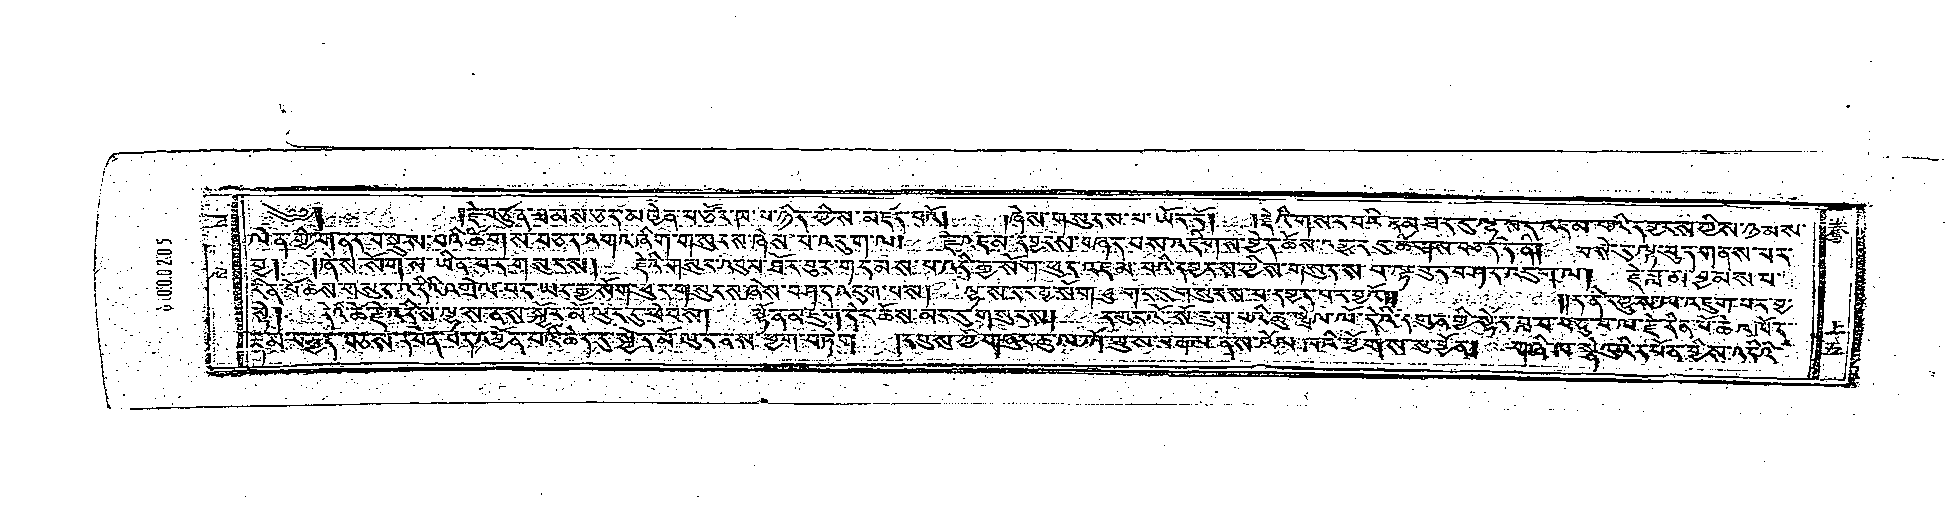༄༅། །རྗེ་བཙུན་ཐམས་ཅད་མཁྱེན་པ་ཙོང་ཁ་པ་ཉིད་ཀྱིས་མཛད་པའོ། །ཞེས་གསུངས་པ་ཡོད་དོ། །རྗེའི་གསང་བའི་རྣམ་ཐར་དུ་ལྷ་སར་འཇམ་པའི་དབྱངས་ཀྱིས་ཉམས་
ལེན་གྱི་གནད་བསྡུས་བའི་ཚིགས་བཅད་འགའ་ཞིག་གསུངས་ཞེས་པ་འདུག་ལ། རྗེ་འཇམ་དབྱངས་བཞད་པས་འཇིགས་བྱེད་ཆོས་འབྱུང་དུ་ཚིགས་བཅད་དེ་ནི། བསེ་དུ་ལྟ་བུད་གནས་པར་
བྱ། །ཞེས་སོགས་ཡིན་པར་གསུངས། རྗེའི་གསུང་འབུམ་ཐོར་བུར་གདམས་པ་འདི་རྒྱ་སོག་ཕུད་འཇམ་པའི་དབྱངས་ཀྱིས་གསུངས་པ་ལྟ་བུད་བཤད་འདུག་ལ། རྗེ་བླ་མ་བྱམས་པ་
རིན་པོ་ཆེས་གསུང་འདིའི་འགྲེལ་པར་ཡང་རྒྱ་སོག་ཕུར་གསུངས་ཞེས་བཤད་འདུག་པས། ལྷ་ས་དང་རྒྱ་སོག་ཞུ་གང་དུ་གསུངས་པ་དཔྱད་བར་བྱའོ།། །།ད་ནི་དཀྱུས་ལ་འཇུག་བར་བྱ་སྟེ། དེའི་ཚེ་རྗེ་འདིས་ལྷ་ས་ནས་སྐྱོར་མོ་ལུང་དུ་ཕེབས། སྟོན་མཇུག་དེར་ཆོས་མང་དུ་གསུངས། དགུང་འོ་སོ་དྲུག་པའི་ཆུ་སྤྲེལ་ལོ་དེའི་དགུན་གྱི་སྟོང་ཟླ་བ་བཅུ་པ་ལ་རྗེ་རིན་པོ་ཆེ་འཁོར་
རྣམ་བརྒྱད་བཅས་དབེན་བད་འབྱོན་པའི་ཆེད་དུ་སྐྱེད་མོ་ལུང་ནས་ཕྱག་བཏེག །དབུས་ཀྱི་གཞུང་ཆུ་ལ་ཀོ་གྲུས?་བརྒལ་ནས་འོལ་ཁའི་ཕྱོགས་སུ་བྱོན། གཞི་ཁ་སྣེའུའི་དབོན་གྱིས་འདིའི་